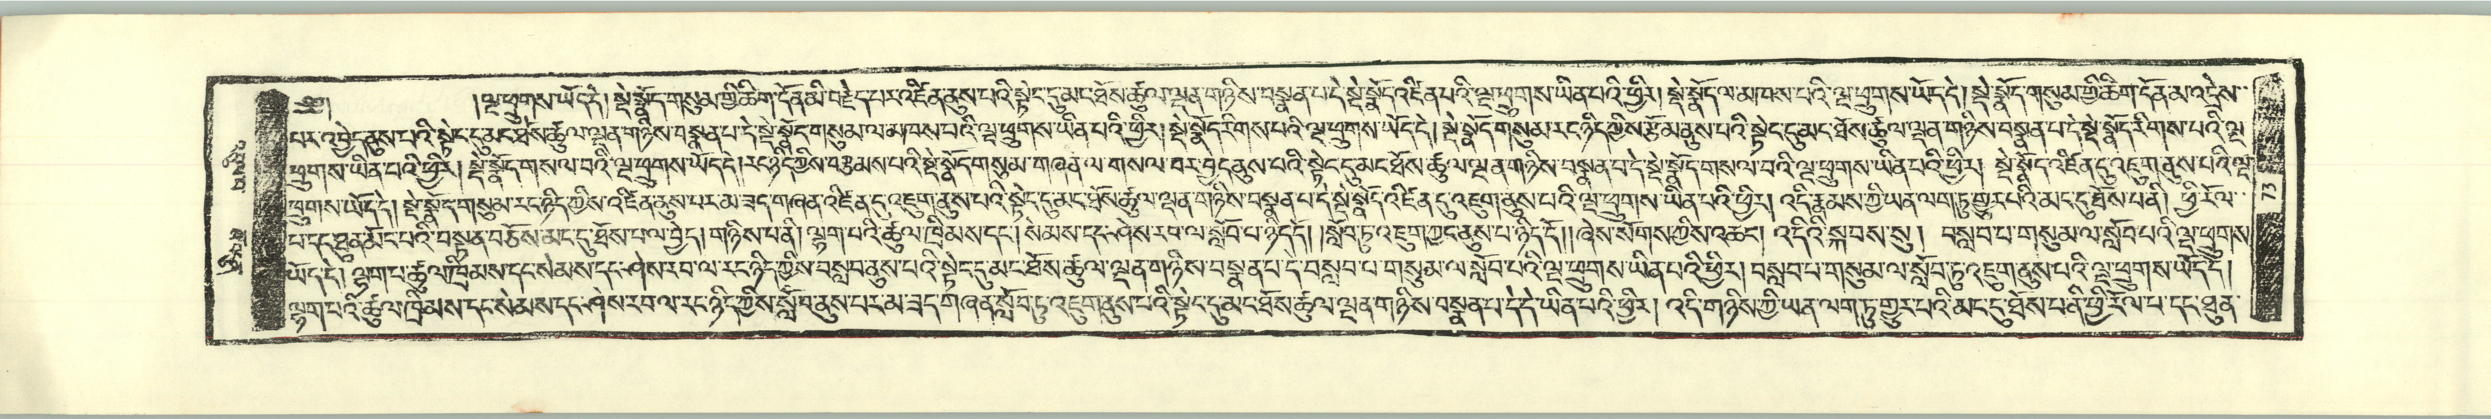༄༅། །ལྔ་ཕྲུགས་ཡོད་དེ། སྡེ་སྣོད་གསུམ་གྱི་ཚིག་དོན་མི་བརྗེད་པར་འཛིན་ནུས་པའི་སྟེང་དུ་མང་ཐོས་ཚུལ་ལྡན་གཉིས་བསྣན་པ་དེ་སྡེ་སྣོད་འཛིན་པའི་ལྔ་ཕྲུགས་ཡིན་པའི་ཕྱིར། སྡེ་སྣོད་ལ་མཁས་པའི་ལྔ་ཕྲུགས་ཡོད་དེ། སྡེ་སྣོད་གསུམ་གྱི་ཚིག་དོན་མ་འདྲེས་
པར་འབྱེད་ནུས་པའི་སྟེང་དུ་མང་ཐོས་ཚུལ་ལྡན་གཉིས་བསྣན་པ་དེ་སྡེ་སྣོད་གསུམ་ལ་མཁས་པའི་ལྔ་ཕྲུགས་ཡིན་པའི་ཕྱིར། སྡེ་སྣོད་རིགས་པའི་ལྔ་ཕྲུགས་ཡོད་དེ། སྡེ་སྣོད་གསུམ་རང་ཉིད་ཀྱིས་རྩོམ་ནུས་པའི་སྟེང་དུ་མང་ཐོས་ཚུལ་ལྡན་གཉིས་བསྣན་པ་དེ་སྡེ་སྣོད་རིགས་པའི་ལྔ་
ཕྲུགས་ཡིན་པའི་ཕྱིར། སྡེ་སྣོད་གསལ་བའི་ལྔ་ཕྲུགས་ཡོད་དེ། རང་ཉིད་ཀྱིས་བརྩམས་པའི་སྡེ་སྣོད་གསུམ་གཞན་ལ་གསལ་བར་བྱད་ནུས་པའི་སྟེང་དུ་མང་ཐོས་ཚུལ་ལྡན་གཉིས་བསྣན་བ་དེ་སྡེ་སྣོད་གསལ་བའི་ལྔ་ཕྲུགས་ཡིན་པའི་ཕྱིར། སྡེ་སྣོད་འཛིན་དུ་འཇུག་ནུས་པའི་ལྔ་
ཕྲུགས་ཡོད་དེ། སྡེ་སྣོད་གསུམ་རང་ཉིད་ཀྱིས་འཛིན་ནུས་པར་མ་ཟད་གཞན་འཛིན་དུ་འཇུག་ནུས་པའི་སྟེང་དུ་མང་ཐོས་ཚུལ་ལྡན་གཉིས་བསྣན་པ་དེ་སྡེ་སྣོད་འཛིན་དུ་འཇུག་ནུས་པའི་ལྔ་ཕྲུགས་ཡིན་པའི་ཕྱིར། འདི་རྣམས་ཀྱི་ཡན་ལག་ཏུ་གྱུར་པའི་མང་དུ་ཐོས་པ་ནི། ཕྱི་རོལ་
པ་དང་ཐུན་མོང་པའི་བསྟན་བཅོས་མང་དུ་ཐོས་པ་ལ་བྱེད། གཉིས་པ་ནི། ལྷག་པའི་ཚུལ་ཁྲིམས་དང་། སེམས་དང་ཤེས་རབ་ལ་སློབ་པ་ཉིད་དོ། །སློབ་ཏུ་འཇུག་ཀྱང་ནུས་པ་ཉིད་དོ། །ཞེས་སོགས་ཀྱིས་འཆད། འདིའི་སྐབས་སུ། བསླབ་པ་གསུམ་ལ་སློབའླྔ་ཕྲུགས་
ཡོད་དེ། ལྷག་པ་ཚུལ་ཁྲིམས་དང་སེམས་དང་ཤེས་རབ་ལ་རང་ཉིད་ཀྱིས་བསླབ་ནུས་པའི་སྟེང་དུ་མང་ཐོས་ཚུལ་ལྡན་གཉིས་བསྣན་པ་དེ་བསླབ་པ་གསུམ་ལ་སློབ་པའི་ལྔ་ཕྲུགས་ཡིན་པའི་ཕྱིར། བསླབ་པ་གསུམ་ལ་སློབ་ཏུ་འཇུག་ནུས་པའི་ལྔ་ཕྲུགས་ཡོད་དེ།
ལྷག་པའི་ཚུལ་ཁྲིམས་དང་སེམས་དང་ཤེས་རབ་ལ་རང་ཉིད་ཀྱིས་སློབ་ནུས་པར་མ་ཟད་གཞན་སློབ་ཏུ་འཇུག་ནུས་པའི་སྟེང་དུ་མང་ཐོས་ཚུལ་ལྡན་གཉིས་བསྣན་པ་དེ་དེ་ཡིན་པའི་ཕྱིར། འདི་གཉིས་ཀྱི་ཡན་ལག་ཏུ་གྱུར་པའི་མང་དུ་ཐོས་པ་ནི་ཕྱི་རོལ་པ་དང་ཐུན་